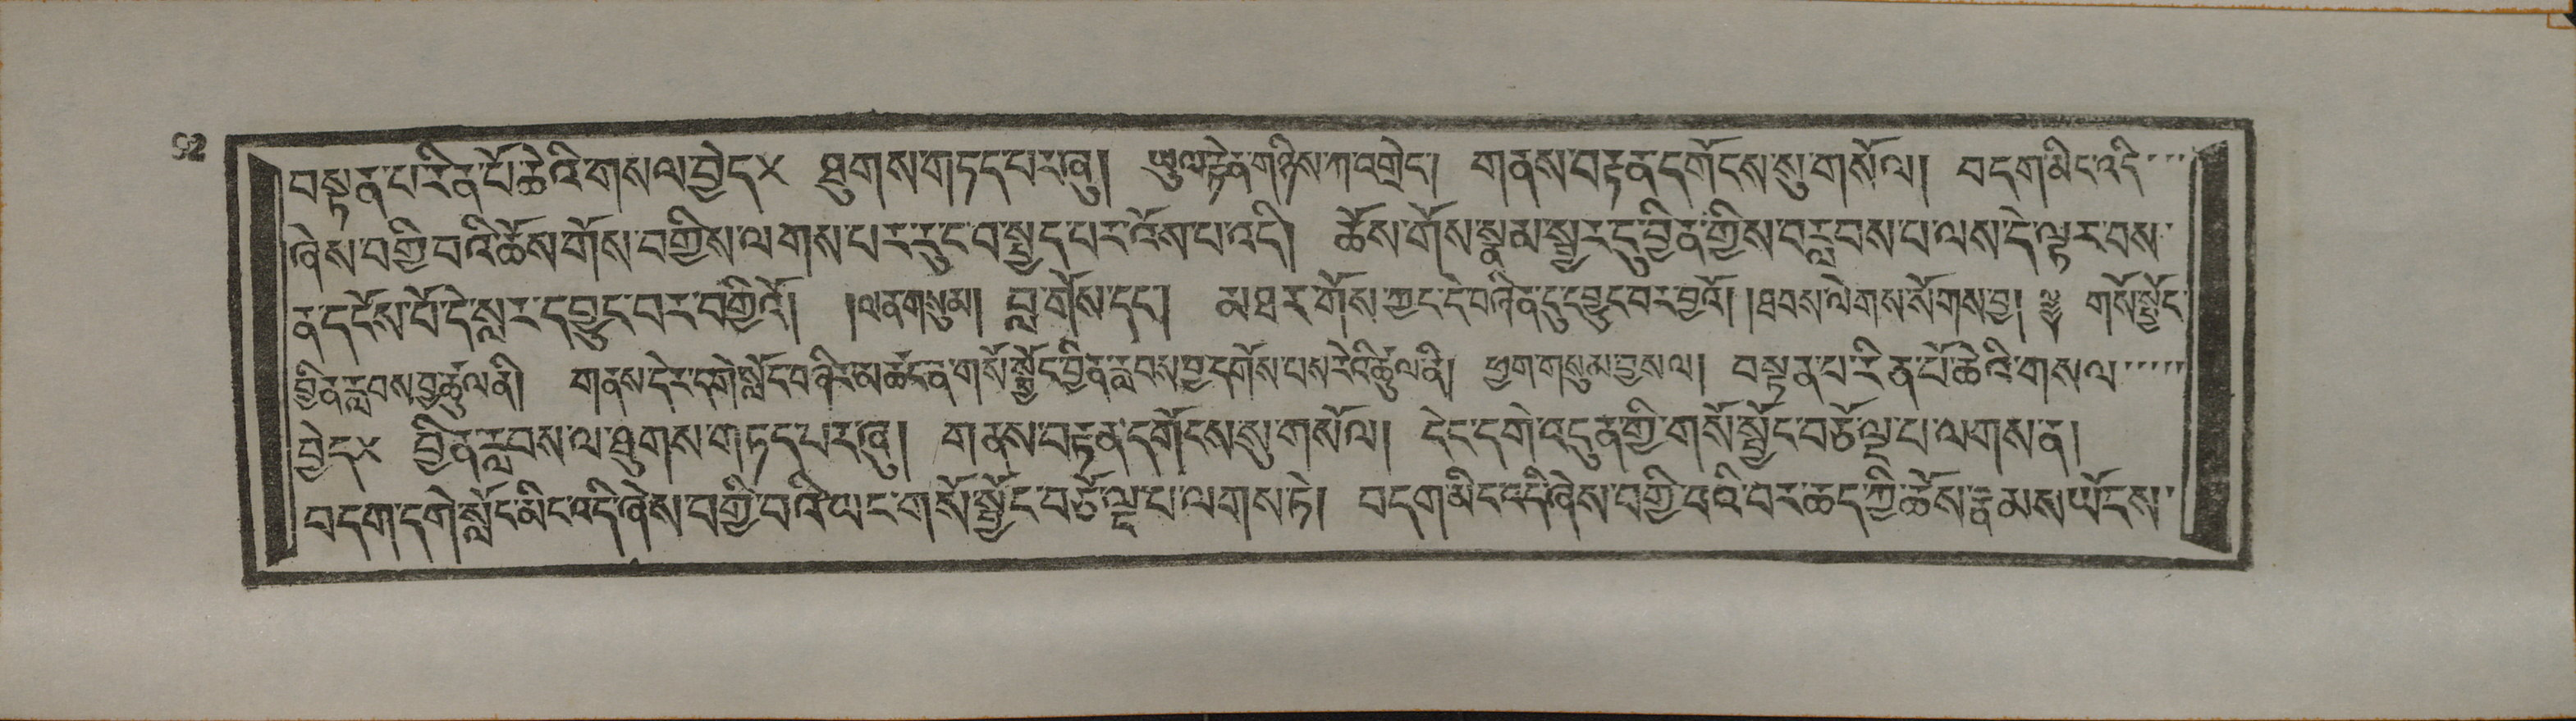བསྟན་པ་རིན་པོ་ཆེའི་གསལ་བྱེད་྾་ཐུགས་གཏད་པར་ཞུ། ཡུལ་རྟེན་གཉིས་ཀ་འགྲེང་།  གནས་བརྟན་དགོངས་སུ་གསོལ། བདག་མིང་འདི
ཞེས་བགྱི་བའི་ཆོས་གོས་བགྱིས་ལགས་པར་རུང་བ་སྤྱད་པར་འོས་པ་འདི། ཆོས་གོས་སྣམ་སྦྱར་དུ་བྱིན་གྱིས་བརླབས་པ་ལས་དེ་ལྟར་བས་
ན་དངོས་པོ་དེ་སླར་དབྱུང་བར་བགྱིའོ། །ལན་གསུམ།  བླ་གོས་དང་། མཐར་གོས་ཀྱང་དེ་བཞིན་དུ་དབྱུང་བར་བྱའོ། །ཐབས་ལེགས་སོགས་བྱ། ༈ གསོ་སྦྱོང་
བྱིན་རླབས་བྱ་ཚུལ་ནི། གནས་དེར་དགེ་སློང་བཞིར་མཚང་ན་གསོ་སྦྱོང་བྱིན་རླབས་བྱ་དགོས་པས་རེའི་ཚུལ་ནི། ཕྱག་གསུམ་བྱས་ལ། བསྟན་པ་རིན་པོ་ཆེའི་གསལ་
བྱེད་྾་བྱིན་རླབས་ལ་ཐུགས་གཏད་པར་ཞུ། གནས་བརྟན་དགོངས་སུ་གསོལ། དེང་དགེ་འདུན་གྱི་གསོ་སྦྱོང་བཅོ་ལྔ་པ་ལགས་ན།
བདག་དགེ་སློང་མིང་འདི་ཞེས་བགྱི་བའི་ཡང་གསོ་སྦྱོང་བཅོ་ལྔ་པ་ལགས་ཏེ། བདག་མིང་འདི་ཞེས་བགྱི་བའི་བར་ཆད་ཀྱི་ཆོས་རྣམས་ཡོངས་
ཕ༹་